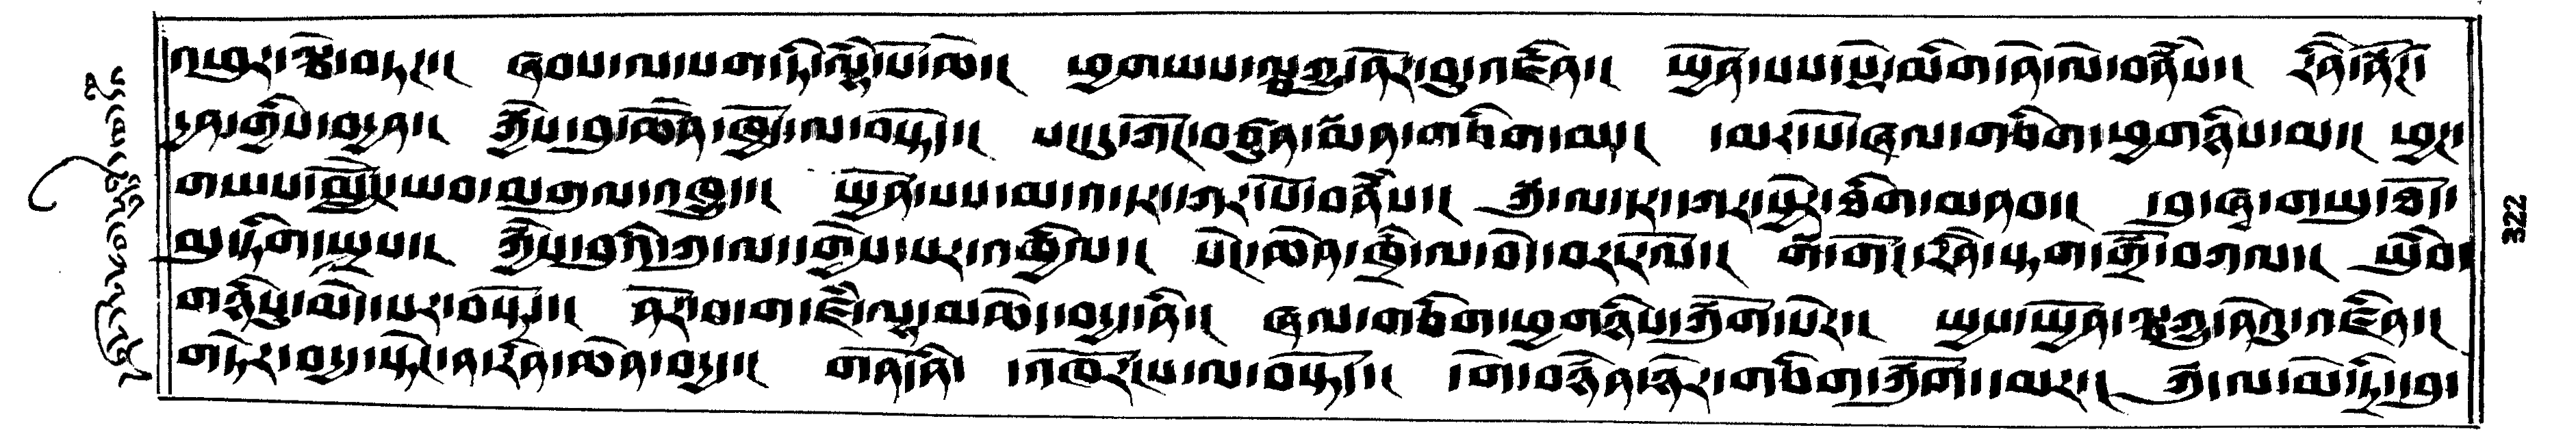འཕུར་ལྕེ་བཏགས། །ཞབས་ལ་སག་ཏི་ལྷམ་པོ་ཆེ། །ཕྱག་གཡས་ལྕགས་ཀྱུ་ནོར་བུ་འཛིན། །གཡོན་པས་ལྡེ་མིག་ནེའུ་ལེ་བསྣམས། །རིན་ཆེན་སྣ་ཚོགས་
རྒྱན་གྱིས་བརྒྱན། །སྐྱེས་བུ་ཆེན་པོ་ཁྱོད་ལ་བསྟོད། །པང་དུ་ཀོང་བཙུན་སྨན་གཅིག་མ། །དམར་པོ་ཞལ་གཅིག་ཕྱག་གཉིས་མ། །ཕྱག་
གཡས་མེ་ལོང་ཡབ་མགུལ་འཁྱུད། །གཡོན་པས་མདའ་དར་དཀར་པོ་བསྣམས། །སྐུ་ལ་དར་དཀར་གསེར་ཐིག་མནབས། །དབུ་ཞྭ་གཡུ་ཐོད་
མུ་ཏིག་སྤྲས། །སྐྱེས་བུའི་སྐུ་ལད་གྱེས་པར་འཁྲིད། །སེང་ཆེན་ཁྲི་ལ་བདེ་བར་རོལ། །སྒ་གོང་རིན་ཆེན་སྟག་སྒྲོ་བཀལ། །ཡབ་ཡུམ་
གཉིས་སུ་མེད་པར་བསྟོད། །ནོར་བདག་ཛམ་ལ་མཆེད་བརྒྱད་ནི། །ཞལ་གཅིག་ཕྱག་གཉིས་སྐུ་མདོག་སེར། །གཡས་གཡོན་ལྕགས་ཀྱུ་ནེའུ་འཛིན།
གཏེར་བརྒྱད་སྟེང་ན་རིན་ཆེན་བརྒྱད། །གནོད་སྦྱིན་འཁོར་དང་བཅས་ལ་བསྟོད། །དགེ་བསྙེན་ཉེར་གཅིག་སྐུ་མདོག་དམར། །སྐུ་ལ་མེ་ཏྲི་དབུ་